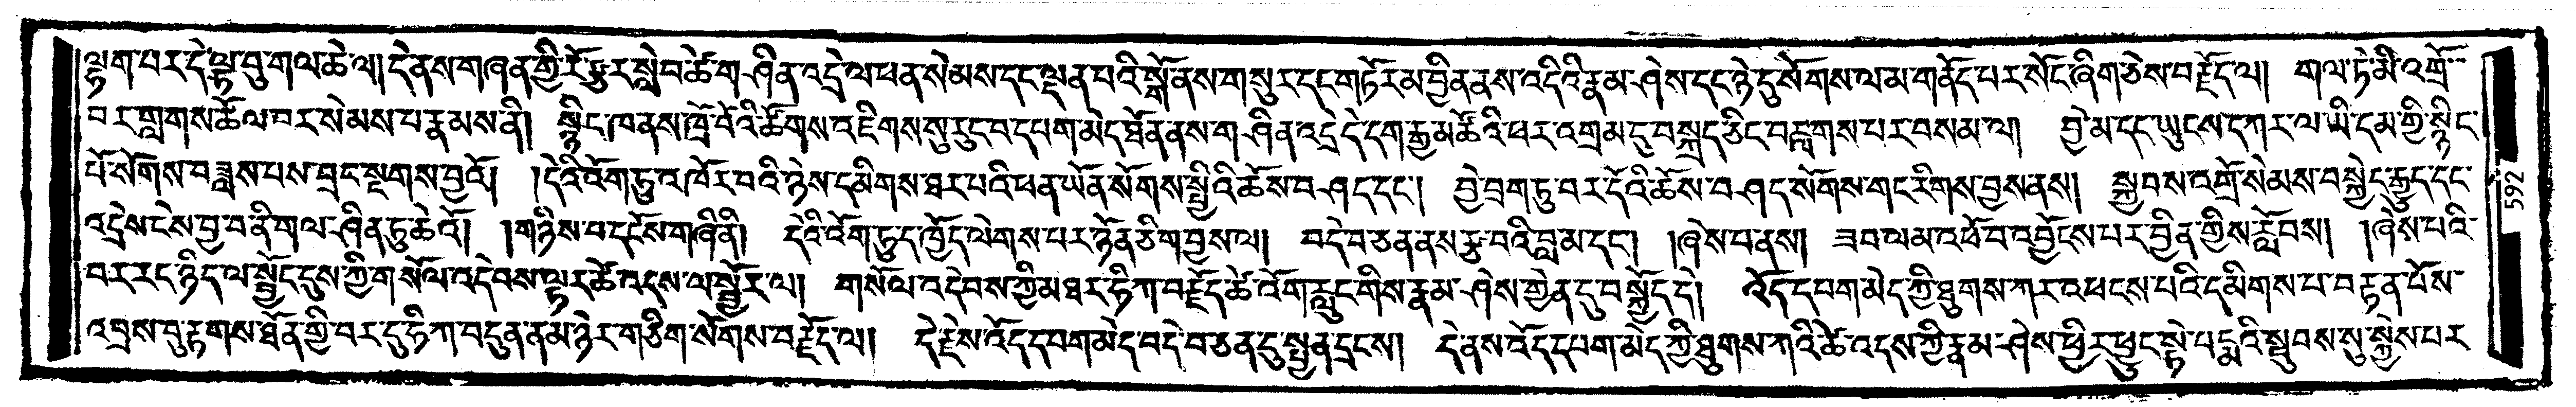ལྷག་པར་དེ་ལྟ་བུ་གལ་ཆེ་ལ། དེ་ནས་གཞན་གྱི་རོ་རྩར་སླེབ་ཚེ་གཤིན་འདྲེ་ལ་ཕན་སེམས་དང་ལྡན་པའི་སྒོ་ནས་གསུར་དང་གཏོར་མ་བྱིན་ནས་འདིའི་རྣམ་ཤེས་དང་ཉེ་དུ་སོགས་ལ་མ་གནོད་པར་སོང་ཞིག་ཅེས་བརྗོད་ལ། གལ་ཏེ་མི་འགྲོ་
བར་གླགས་ཚོལ་བར་སེམས་པ་རྣམས་ནི། སྙིང་ཁ་ནས་ཁྲོ་བོའི་ཚོགས་འཇིགས་སུ་རུང་བ་དཔག་མེད་ཐོན་ནས་གཤིན་འདྲེ་དེ་དག་རྒྱ་མཚོའི་ཕར་འགྲམ་དུ་བསྐྲད་ཅིང་བརླགས་པར་བསམ་ལ། བྱེ་མ་དང་ཡུངས་དཀར་ལ་ཡི་དམ་གྱི་སྙིང་
པོ་སོགས་བཟླས་པས་བྲང་སྔགས་བྱའོ། །དེའི་འོག་ཏུ་འཁོར་བའི་ཉེས་དམིགས་ཐར་པའི་ཕན་ཡོན་སོགས་སྤྱིའི་ཆོས་བཤད་དང་། བྱེ་བྲག་ཏུ་བར་དོའི་ཆོས་བཤད་སོགས་གང་རིགས་བྱས་ནས། སྐྱབས་འགྲོ་སེམས་བསྐྱེད་རྒྱུད་དང་
འདྲེས་ངེས་བྱ་བ་ནི་གལ་ཤིན་ཏུ་ཆེའོ། །གཉིས་པ་དངོས་གཞི་ནི། དེའི་འོག་ཏུ་ད་ཁྱོད་ལེགས་པར་ཉོན་ཅིག་བྱས་ལ། བདེ་བ་ཅན་ནས་རྩ་བའི་བླ་མ་དང་། །ཞེས་པ་ནས། ཟབ་ལམ་འཕོ་བ་འབྱོངས་པར་བྱིན་གྱིས་རློབས། །ཞེས་པའི་
བར་རང་ཉིད་ལ་སྦྱོང་དུས་ཀྱི་གསོལ་འདེབས་ལྟར་ཚེ་འདས་ལ་སྦྱོར་ལ། གསོལ་འདེབས་ཀྱི་མཐར་ཧིཀ་བརྗོད་ཚེ་འོག་རླུང་གིས་རྣམ་ཤེས་གྱེན་དུ་བསྐྱོད་དེ། འོད་དཔག་མེད་ཀྱི་ཐུགས་ཀར་འཕངས་པའི་དམིགས་པ་བརྟན་པོས་
འབྲས་བུ་རྟགས་ཐོན་གྱི་བར་དུ་ཧིཀ་བདུན་ནམ་ཉེར་གཅིག་སོགས་བརྗོད་ལ། དེ་རྗེས་འོད་དཔག་མེད་བདེ་བ་ཅན་དུ་སྤྱན་དྲངས། དེ་ནས་འོད་དཔག་མེད་ཀྱི་ཐུགས་ཀའི་ཚེ་འདས་ཀྱི་རྣམ་ཤེས་ཕྱིར་ཕྱུང་སྟེ་པདམའི་སྦུབས་སུ་སྐྱེས་པར་